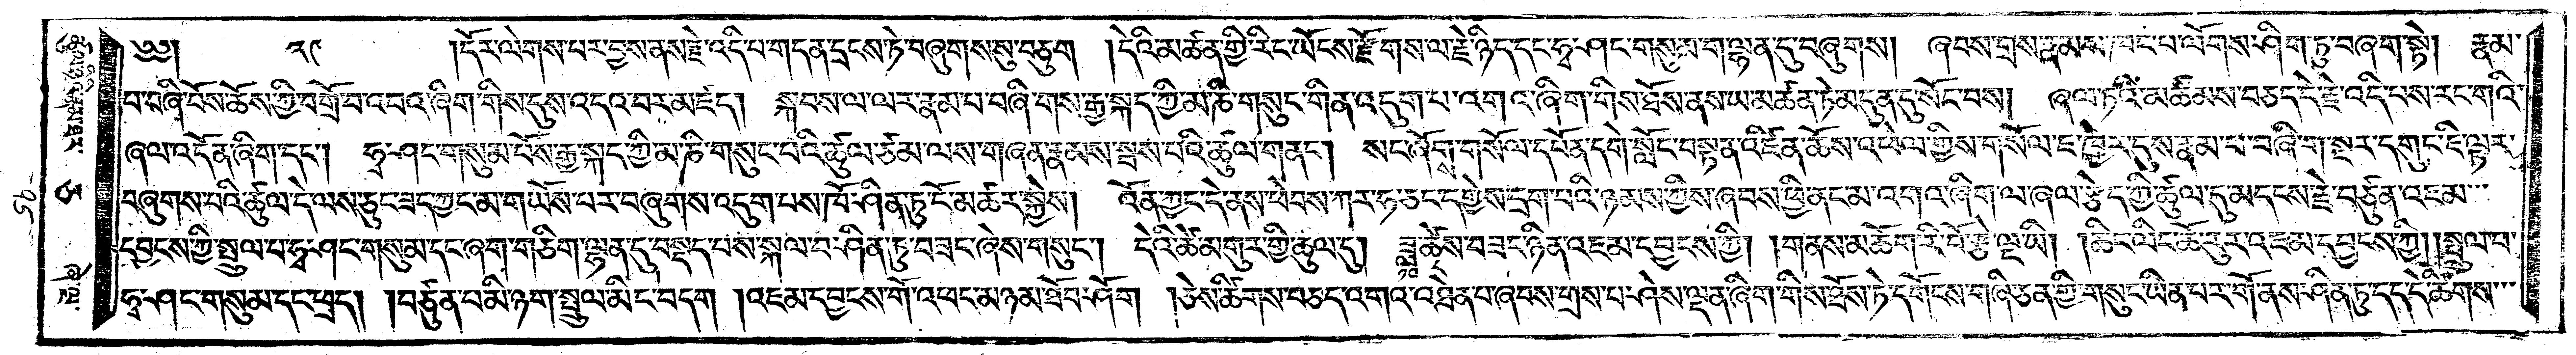༄༅། ༢༩་།དོར་ལེགས་པར་བྱས་ནས་རྗེ་འདི་པ་གདན་དྲངས་ཏེ་བཞུགས་སུ་བཅུག །དེའི་མཚན་གྱི་རིང་ཡོངས་རྫོགས་ལ་རྗེ་ཉིད་དང་ཧྭ་ཤང་གསུམ་ག་ལྷན་དུ་བཞུགས། ཞབས་གྲས་རྣམས་ཁང་པ་ལོགས་ཤིག་ཏུ་བཞག་སྟེ། རྣམ་
པ་བཞི་པོས་ཆོས་ཀྱི་བགྲོ་བ་འབའ་ཞིག་གིས་དུས་འདའ་བར་མཛད། སྐབས་ལ་ལར་རྣམ་པ་བཞི་གས་རྒྱ་སྐད་ཀྱི་མ་ཎི་གསུང་གིན་འདུག་པ་འགའ་ཞིག་གིས་ཐོས་ནས་ཡ་མཚན་ཏེ་མདུན་དུ་སོང་བས། ཞལ་ཏའི་མཚམས་བཅད་དེ་རྗེ་འདི་པས་རང་གའི་
ཞལ་འདོན་ཞིག་དང་། ཧྭ་ཤང་གསུམ་པོས་རྒྱ་སྐད་ཀྱི་མ་ཎི་གསུང་པའི་ཚུལ་ཙམ་ལས་གཞན་རྣམས་སྦས་པའི་ཚུལ་གནང་། སང་ཞོགས་གསོལ་དཔོན་དགེ་སློང་བསྟན་འཛིན་ཆོས་འཕེལ་གྱིས་གསོལ་ཇ་ཁྱེར་དུས་རྣམ་པ་བཞི་ག་སྔར་དགུང་ཇི་ལྟར་
བཞུགས་པའི་ཚུལ་དེ་ལས་ཅུང་ཟད་ཀྱང་མ་གཡོས་བར་བཞུགས་འདུག་པས་ཁོ་ཤིན་ཏུ་ངོ་མཚར་སྐྱེས། འོན་ཀྱང་དེ་ནས་ཕེབས་ཀར་ཧ་ཅང་དགྱེས་དྲག་པའི་ཉམས་ཀྱིས་ཞབས་ཕྱི་ནང་མ་འགའ་ཞིག་ལ་ཞལ་རྩེད་ཀྱི་ཚུལ་དུ་མདངས་རྗེ་བཙུན་འཇམ་
དབྱངས་ཀྱི་སྤྲུལ་པ་ཧྭ་ཤང་གསུམ་དང་ཞག་གཅིག་ལྷན་དུ་བསྡད་པས་སྐལ་བ་ཤིན་ཏུ་བཟང་ཞེས་གསུང་། དེའི་ཚེ་མགུར་གྱི་ཚུལ་དུ། ཟླ ༡༠་ཚེས ༨་བཟང་ཉིན་འཇམ་དབྱངས་ཀྱི། །གནས་མཆོག་རི་བོ་རྩེ་ལྔ་ཡི། །ཆིང་ལིང་ཆོ་རུར་འཇམ་དབྱངས་ཀྱི། །སྤྲུལ་བ་
ཧྭ་ཤང་གསུམ་དང་ཕྲད། །བཙུན་པ་མི་ཉག་སྤྲུལ་མིང་བདག །འཇམ་དབྱང་གོ་འཕང་མཉམ་ཐོབ་ཤོག །ཅེས་ཚིགས་བཅད་འགའ་འཐེན་པ་ཞབས་གྲས་པ་ཤེས་ལྡན་ཞིག་གིས་ཐོས་ཏེ་དགོངས་གཞི་ཅན་གྱི་གསུང་ཡིན་པར་གོ་ནས་ཤིན་ཏུ་དད་དེ་ཚིགས་